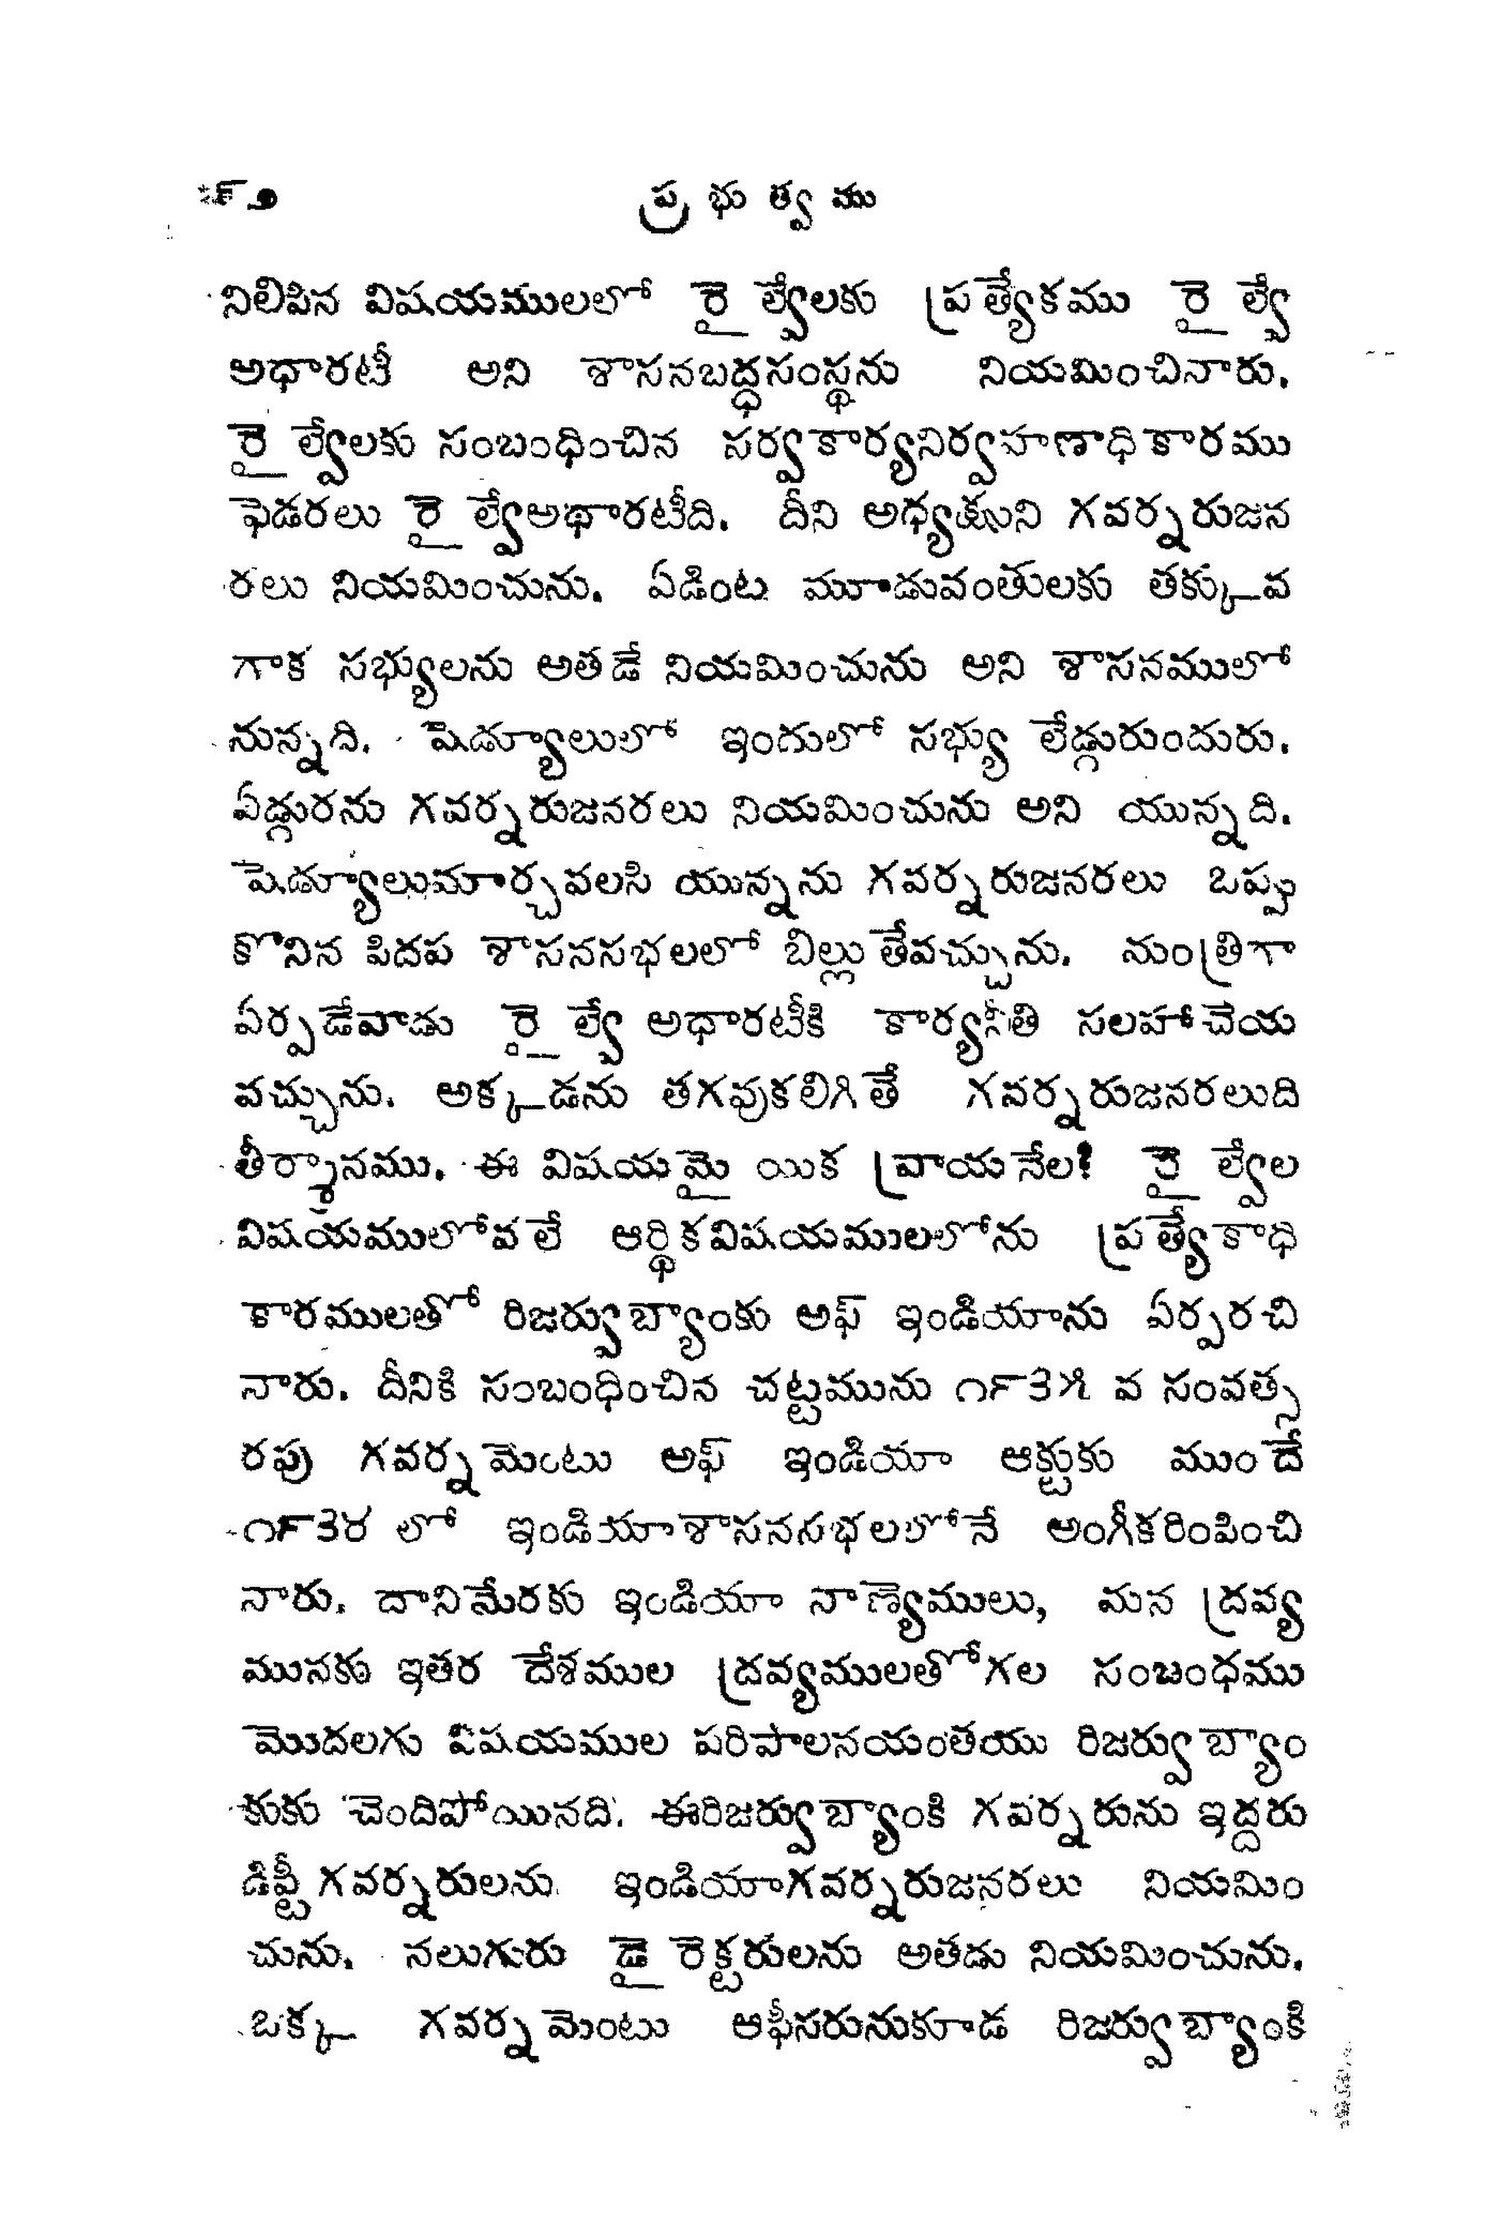నిలిపిన విషయములలో రైల్వేలకు ప్రత్యేకము రైల్వే అధారటీ అని శాసనబద్ధసంస్థను నియమించి నారు. రైల్వేలకు సంబంధించిన సర్వకార్యనిర్వహణాధికారము ఫెడరలు రైల్వేఅథారటీది. దీని అధ్యక్షుని గవర్నరుజునరలు నియమించును. ఏడింట మూడువంతులకు తక్కువ గాక సభ్యులను
అతడే నియమించును అని శాసనములో నున్నది. ఈషెడ్యూలులో ఇందులో సభ్యు లేడ్గురుందురు.
ఏడ్గురను గవర్నరుజనరలు నియమించును అని యున్నది. షెడ్యూలుమార్చవలసి యున్నను గవర్నరుజనరలు ఒప్పుకొనిన పిదప శాసనసభలలో బిల్లుతేవచ్చును. మంత్రిగా ఏర్పడేవాడు రైల్వే అధారటీకి కార్యనీతి సలహాచేయవచ్చును. అక్కడను తగవుకలిగితే గవర్నరుజనరలుది తీర్మానము. ఈ విషయమై యిక వ్రాయనేల! రైల్వేల విషయములోవలే ఆర్థికవిషయములలోను ప్రత్యేకాధి
కారములతో రిజర్వుబ్యాంకు అఫ్ ఇండియాను ఏర్పరచినారు. దీనికి సంబంధించిన చట్టమును 1935 వ సంవత్సరపు గవర్నమెంటు అఫ్ ఇండియా ఆక్టుకు ముందే 1934 లో ఇండియాశాసనసభలలోనే అంగీకరింపించినారు. దానిమేరకు ఇండియా నాణ్యెములు, మన ద్రవ్యమునకు ఇతర దేశముల ద్రవ్యములతోగల సంబంధము మొదలగు విషయముల పరిపాలనయంతయు రిజర్వుబ్యాంకుకు చెందిపోయినది. ఈరిజర్వుబ్యాంకి గవర్నరును ఇద్దరు డిప్టీ గవర్నరులను ఇండియాగవర్నరుజనరలు నియమించును, నలుగురు డైరెక్టరులను అతడు నియమించును. ఒక్క గవర్నమెంటు ఆఫీసరునుకూడ రిజర్వుబ్యాంకి